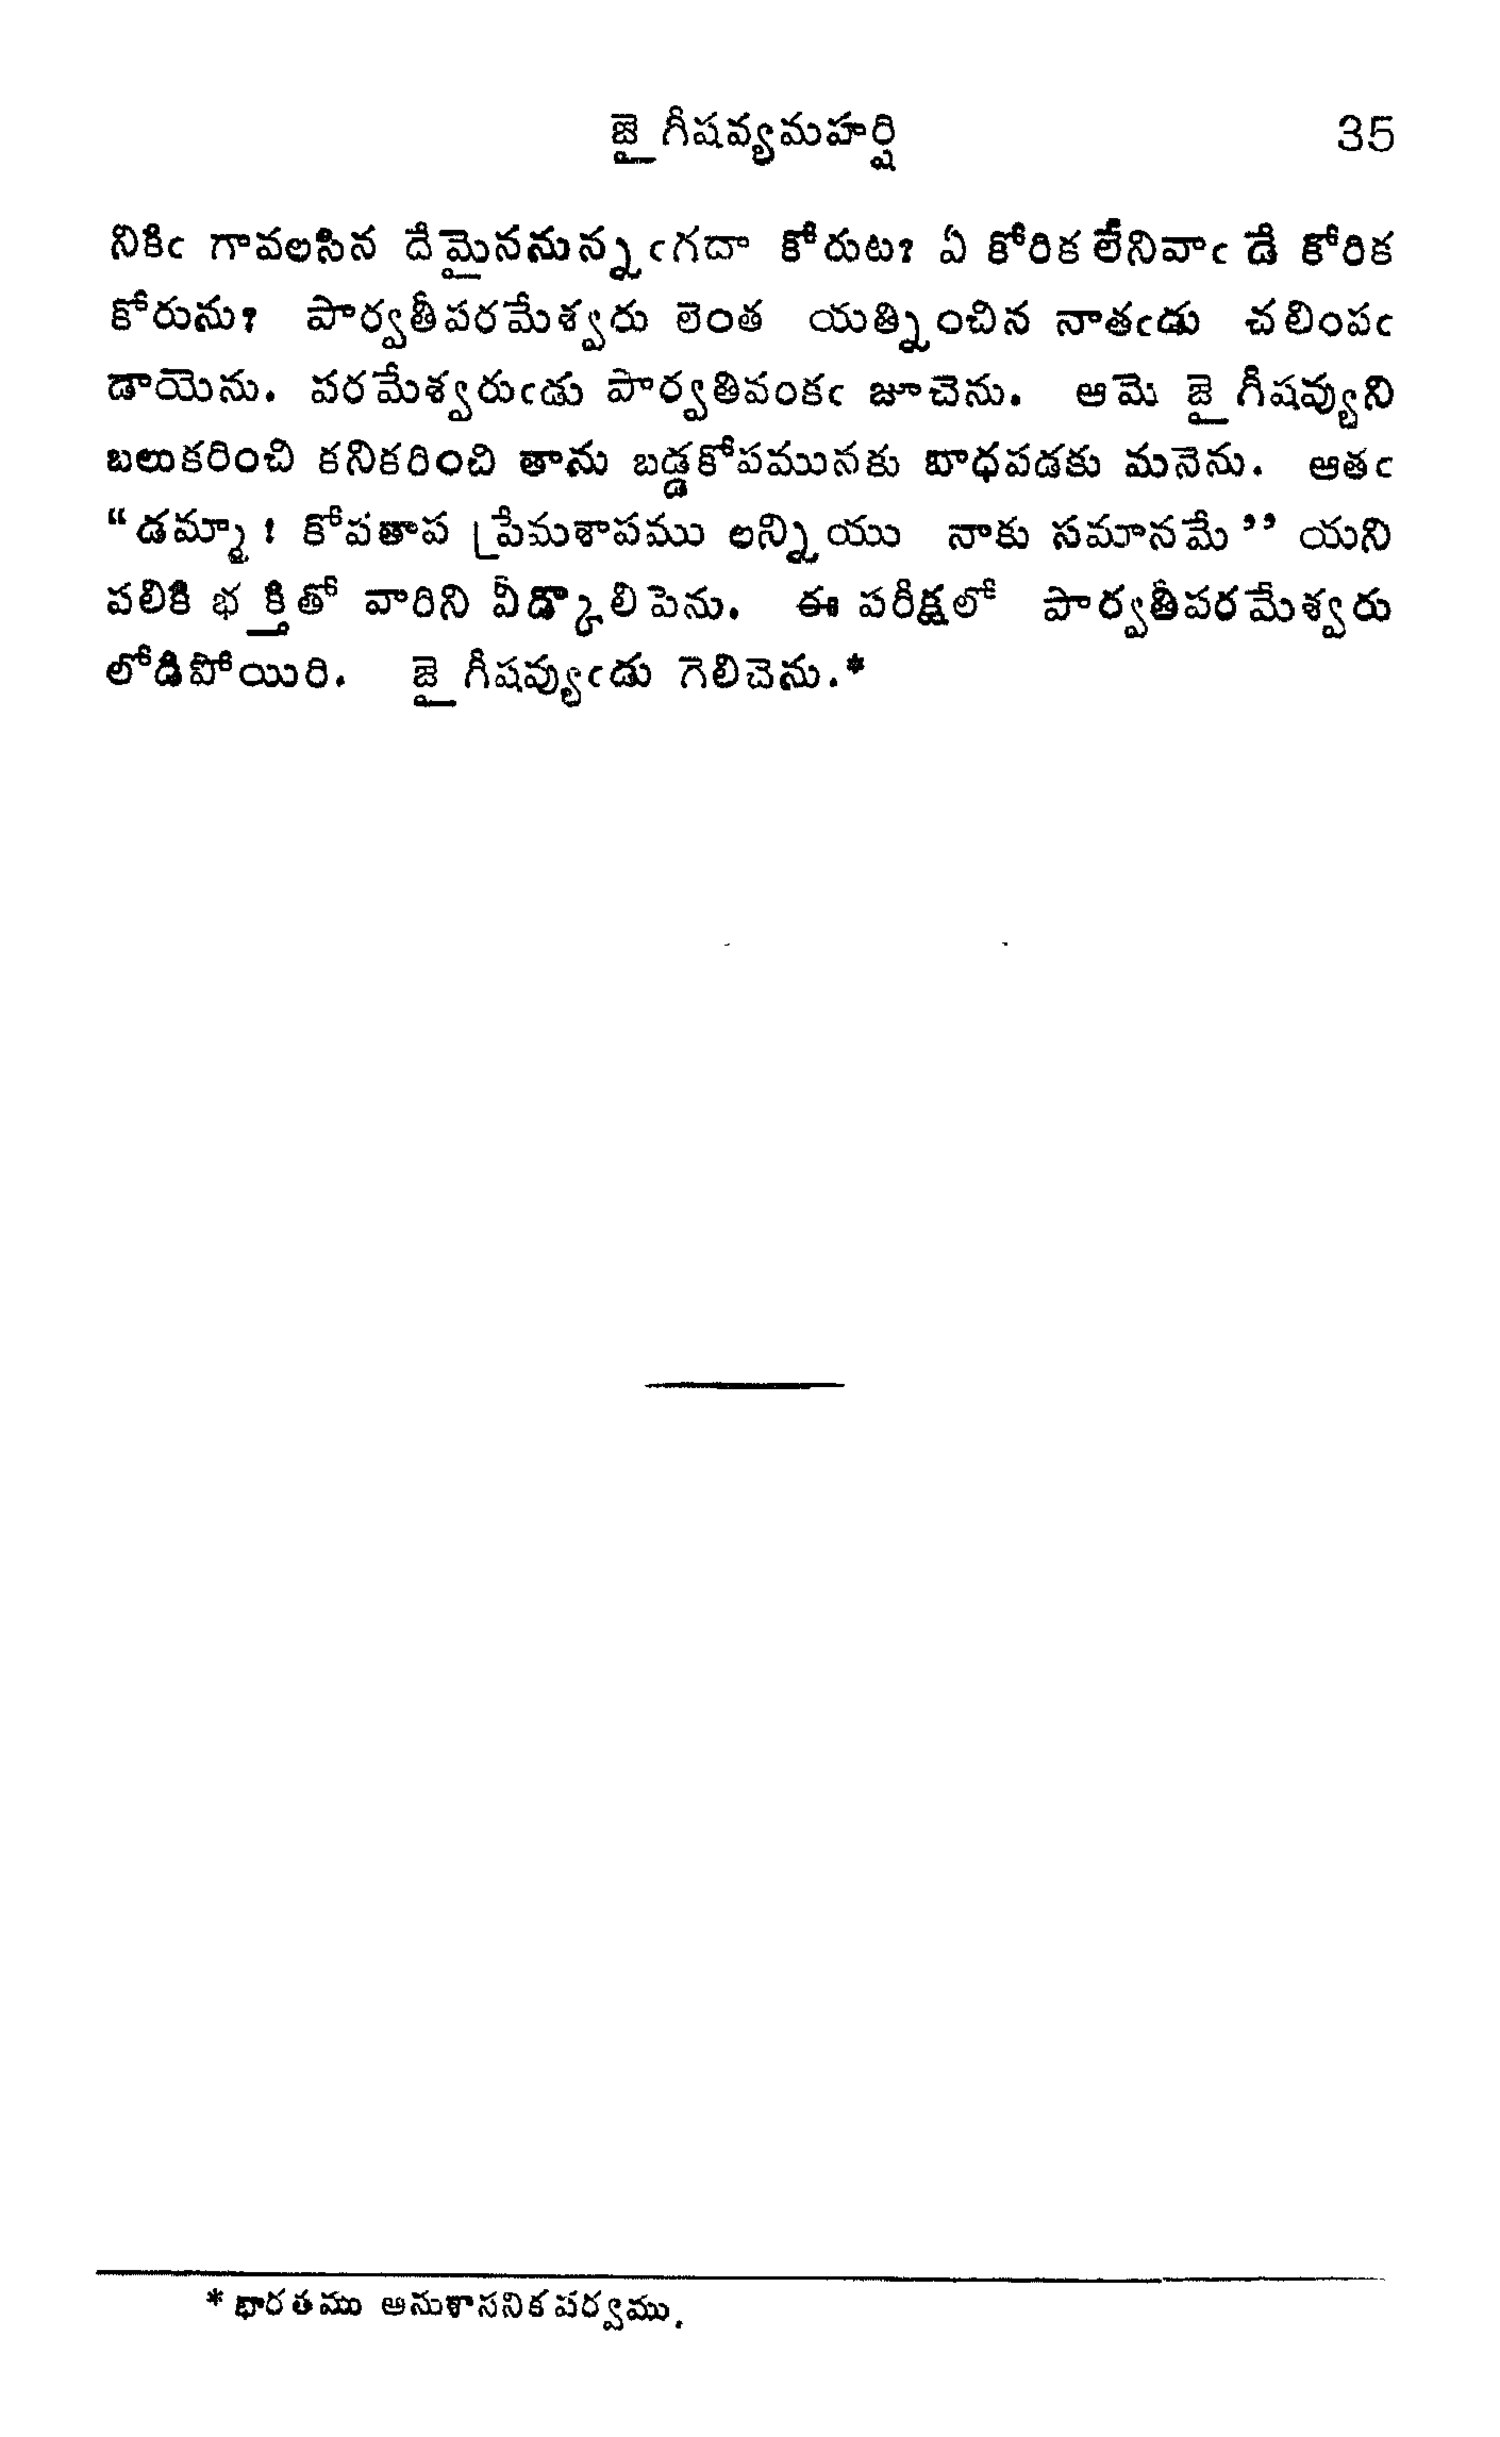నికిఁ గావలసిన దేమైననున్నఁగదా కోరుట? ఏ కోరిక లేనివాఁ డే కోరిక కోరును? పార్వతీపరమేశ్వరు లెంత యత్నించిన నాతఁడు చలింపఁ డాయెను. పరమేశ్వరుఁడు పార్వతివంకఁ జూచెను. ఆమె జై గీషవ్యుని బలుకరించి కనికరించి తాను బడ్డకోపమునకు బాధపడకు మనెను. ఆతఁ “డమ్మా! కోపతాప ప్రేమశాపము లన్నియు నాకు సమానమే" యని పలికి భక్తితో వారిని వీడ్కొలిపెను. ఈ పరీక్షలో పార్వతీపరమేశ్వరు లోడిపోయిరి. జై గీషవ్యుఁడు గెలిచెను.*